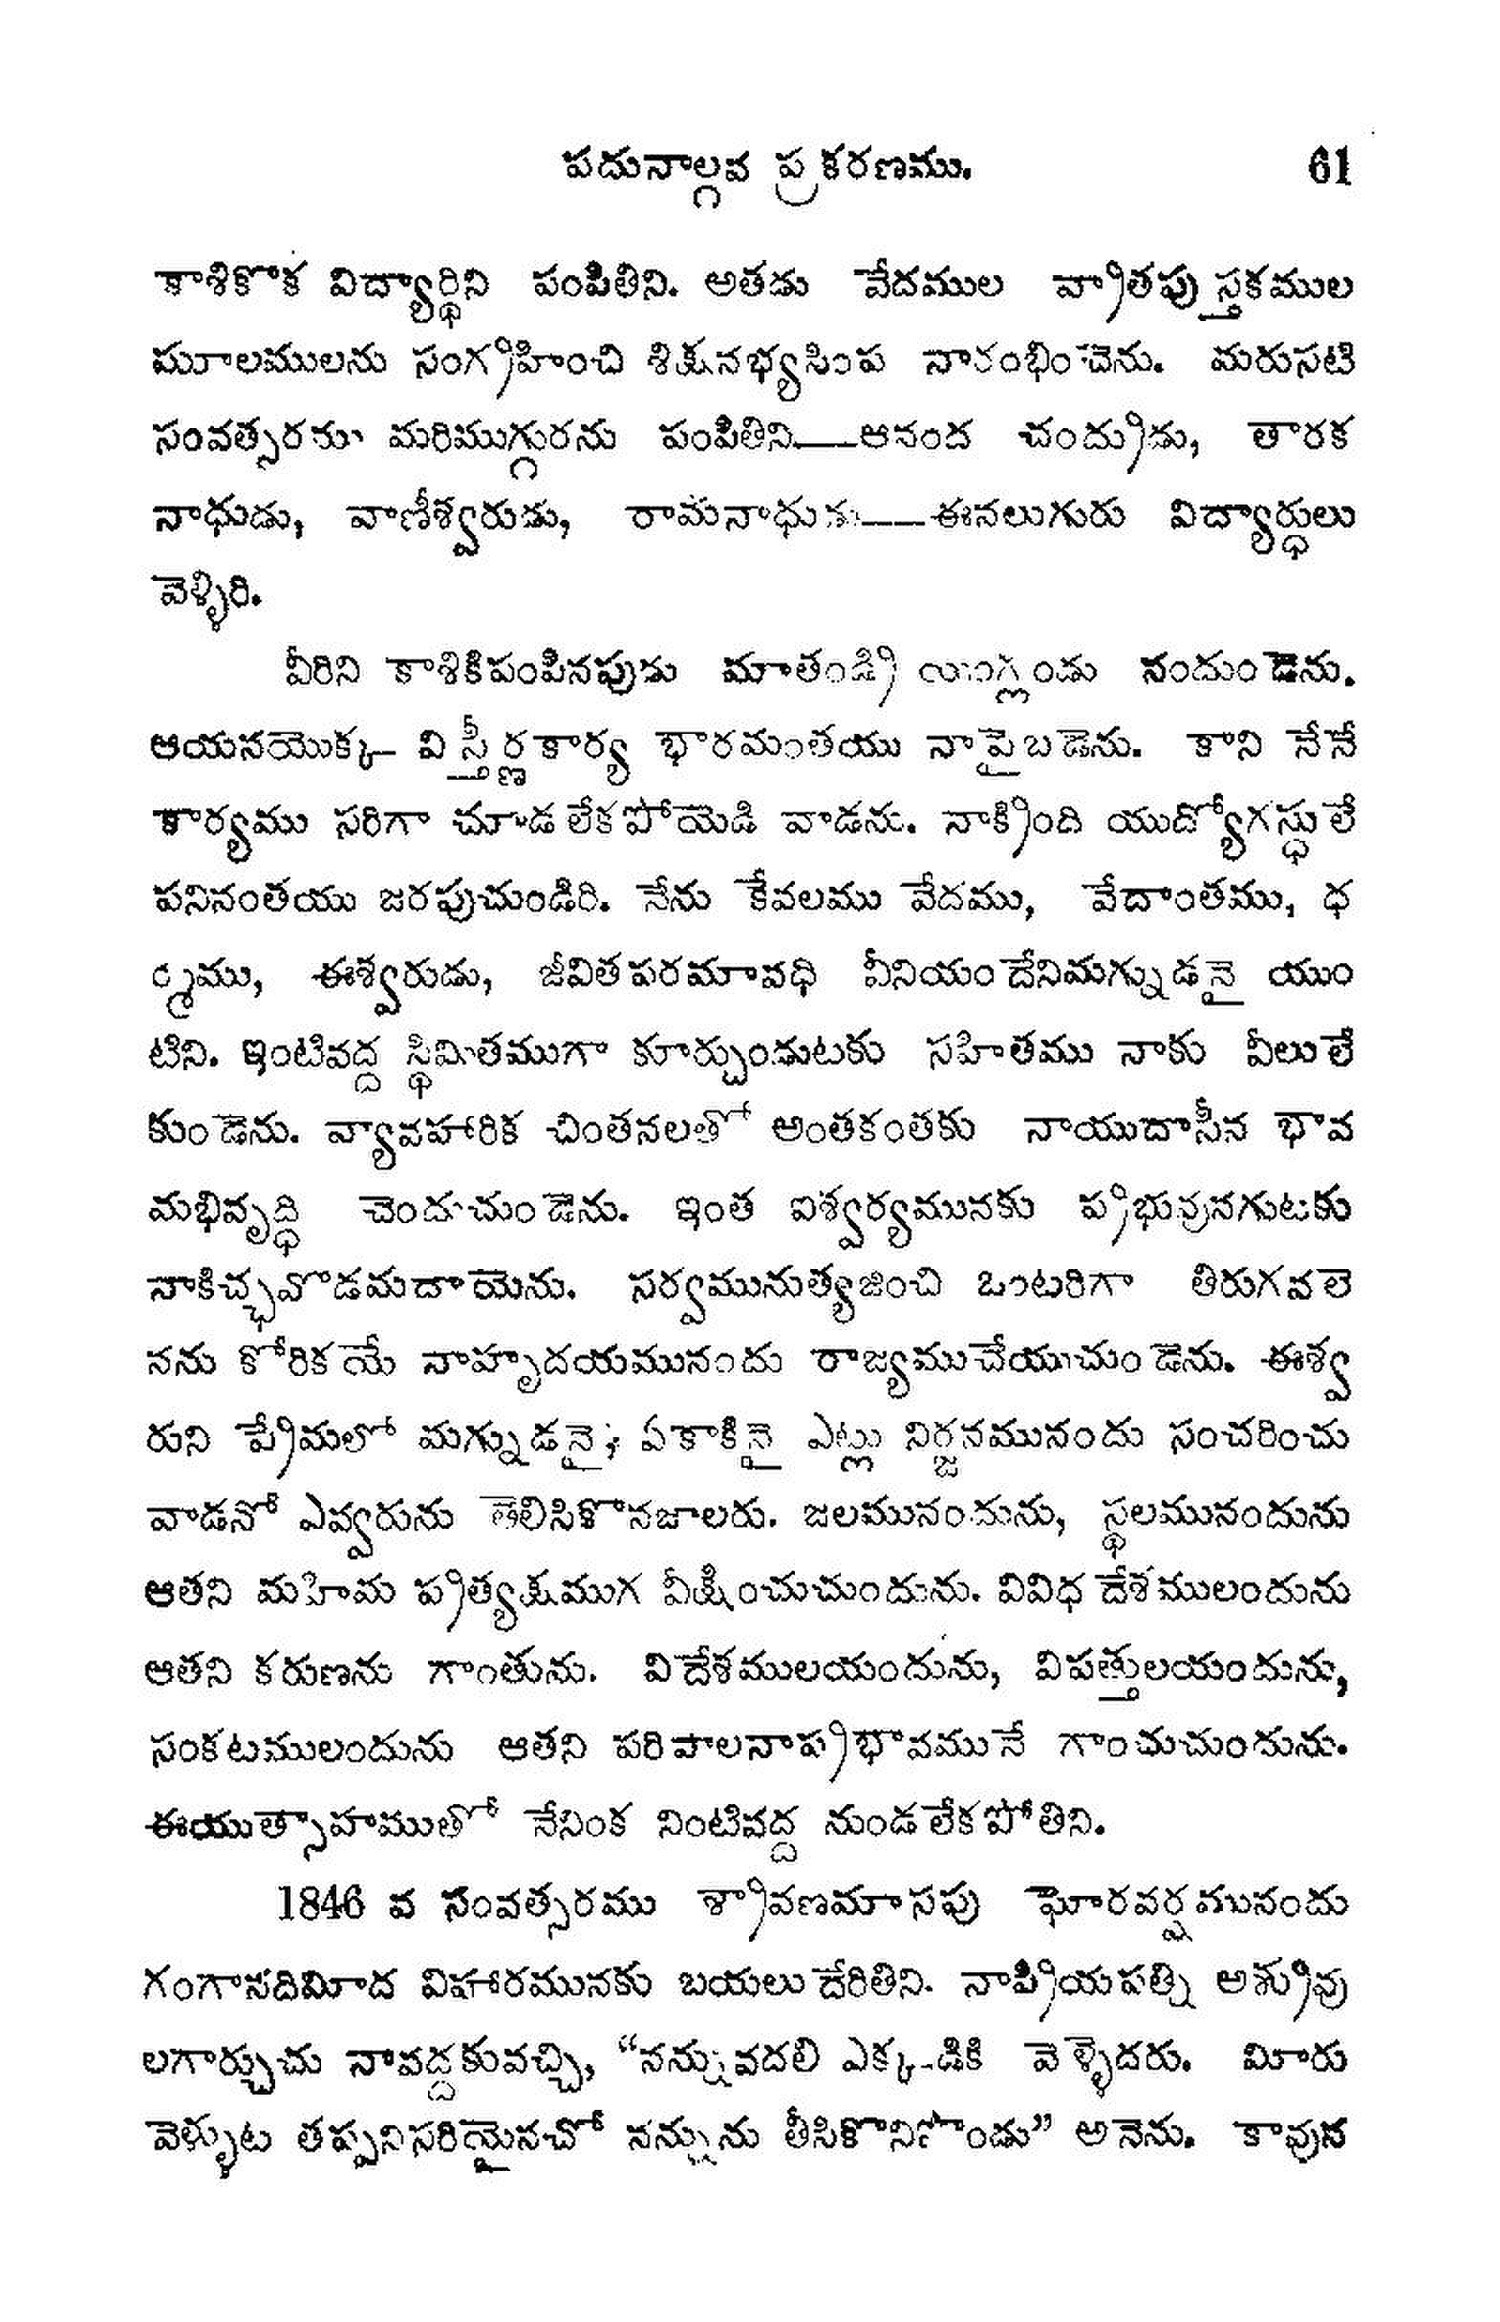కాశికొక విద్యార్థిని పంపితిని. అతడు వేదముల నాతపుస్తకముల
మూలములను సంగ్రహించి శిక్షనభ్యసింప నారంభించెను. మరుసటి
సంవత్సరము మరిముగ్గురను పంపితిని ఆనంద చంద్రుడు, తారక
నాధుడు, వాణీశ్వరుడు, రామనాధుడు.. ఈ నలుగురు విద్యార్థులు వెళ్లిరి.

వీరిని కాశికి పంపినపుడు మాతండ్రి ఇంగ్లండు నందుండెను.ఆయన యొక్క విస్తీర్ణ కార్య భారమంతయు నా పైబడెను. కాని నేనేకార్యము సరిగా చూడ లేక పోయెడి వాడను. నాకింది. యుద్యోగస్థు లేపనినంతయు జరపుచుండిరి. నేను కేవలము వేదము, వేదాంతము, ధర్మము, ఈశ్వరుడు, జీవిత పరమావధి వీనియం దేనిమగ్నుడనై యుంటిని. ఇంటివద్ద స్థిమితముగా కూర్చుండుకుటకు సహితము నాకు వీలులేకుం డెను. వ్యావహారిక చింతనలతో అంతకంతకు నాయుదాసీన భావమభివృద్ధి చెంద చుండెను. ఇంత ఐశ్వర్యమునకు ప్రభువునగుటకు నాకిచ్ఛవొడమద దాయెను. సర్వమును త్యజించి ఒంటరిగా తిరుగవలెనను కోరిక యే నాహృదయమునందు రాజ్యము చేయుచుండెను. ఈశ్వరుని ప్రేమలో మగ్నుడనై : ఏకాకినై ఎట్లు నిర్జనమునందు సంచరించు వాడనో ఎవ్వరును తెలిసికొనజాలరు. జలమునందును, స్థలమునందును
ఆతని మహిమ ప్రత్యక్షముగ వీక్షించుచుందును. వివిధ దేశములందును
ఆతని కరుణను గొంతును. విదేశములయందును, విపత్తులయందును,
సంకటములందును ఆతని పరిపాలనామ భావమునే గాంచుచుందును.
ఈయుత్సాహముతో నేనింక నింటి వద్ద నుండ లేక పోతిని.

1848 వ సంవత్సరము శ్రావణమాసపు ఘోరవర్షమునందుగంగానది మీద విహారమునకు బయలు దేరితిని. నాప్రియపత్ని అశ్రువులగార్చుచు నావద్దకువచ్చి, “నన్ను వదలి ఎక్కడికి వెళ్ళెదరు. మీరువెళ్ళుట తప్పని సరియైనచో సన్నును తీసికొనిపొండు” అనెను. కావున